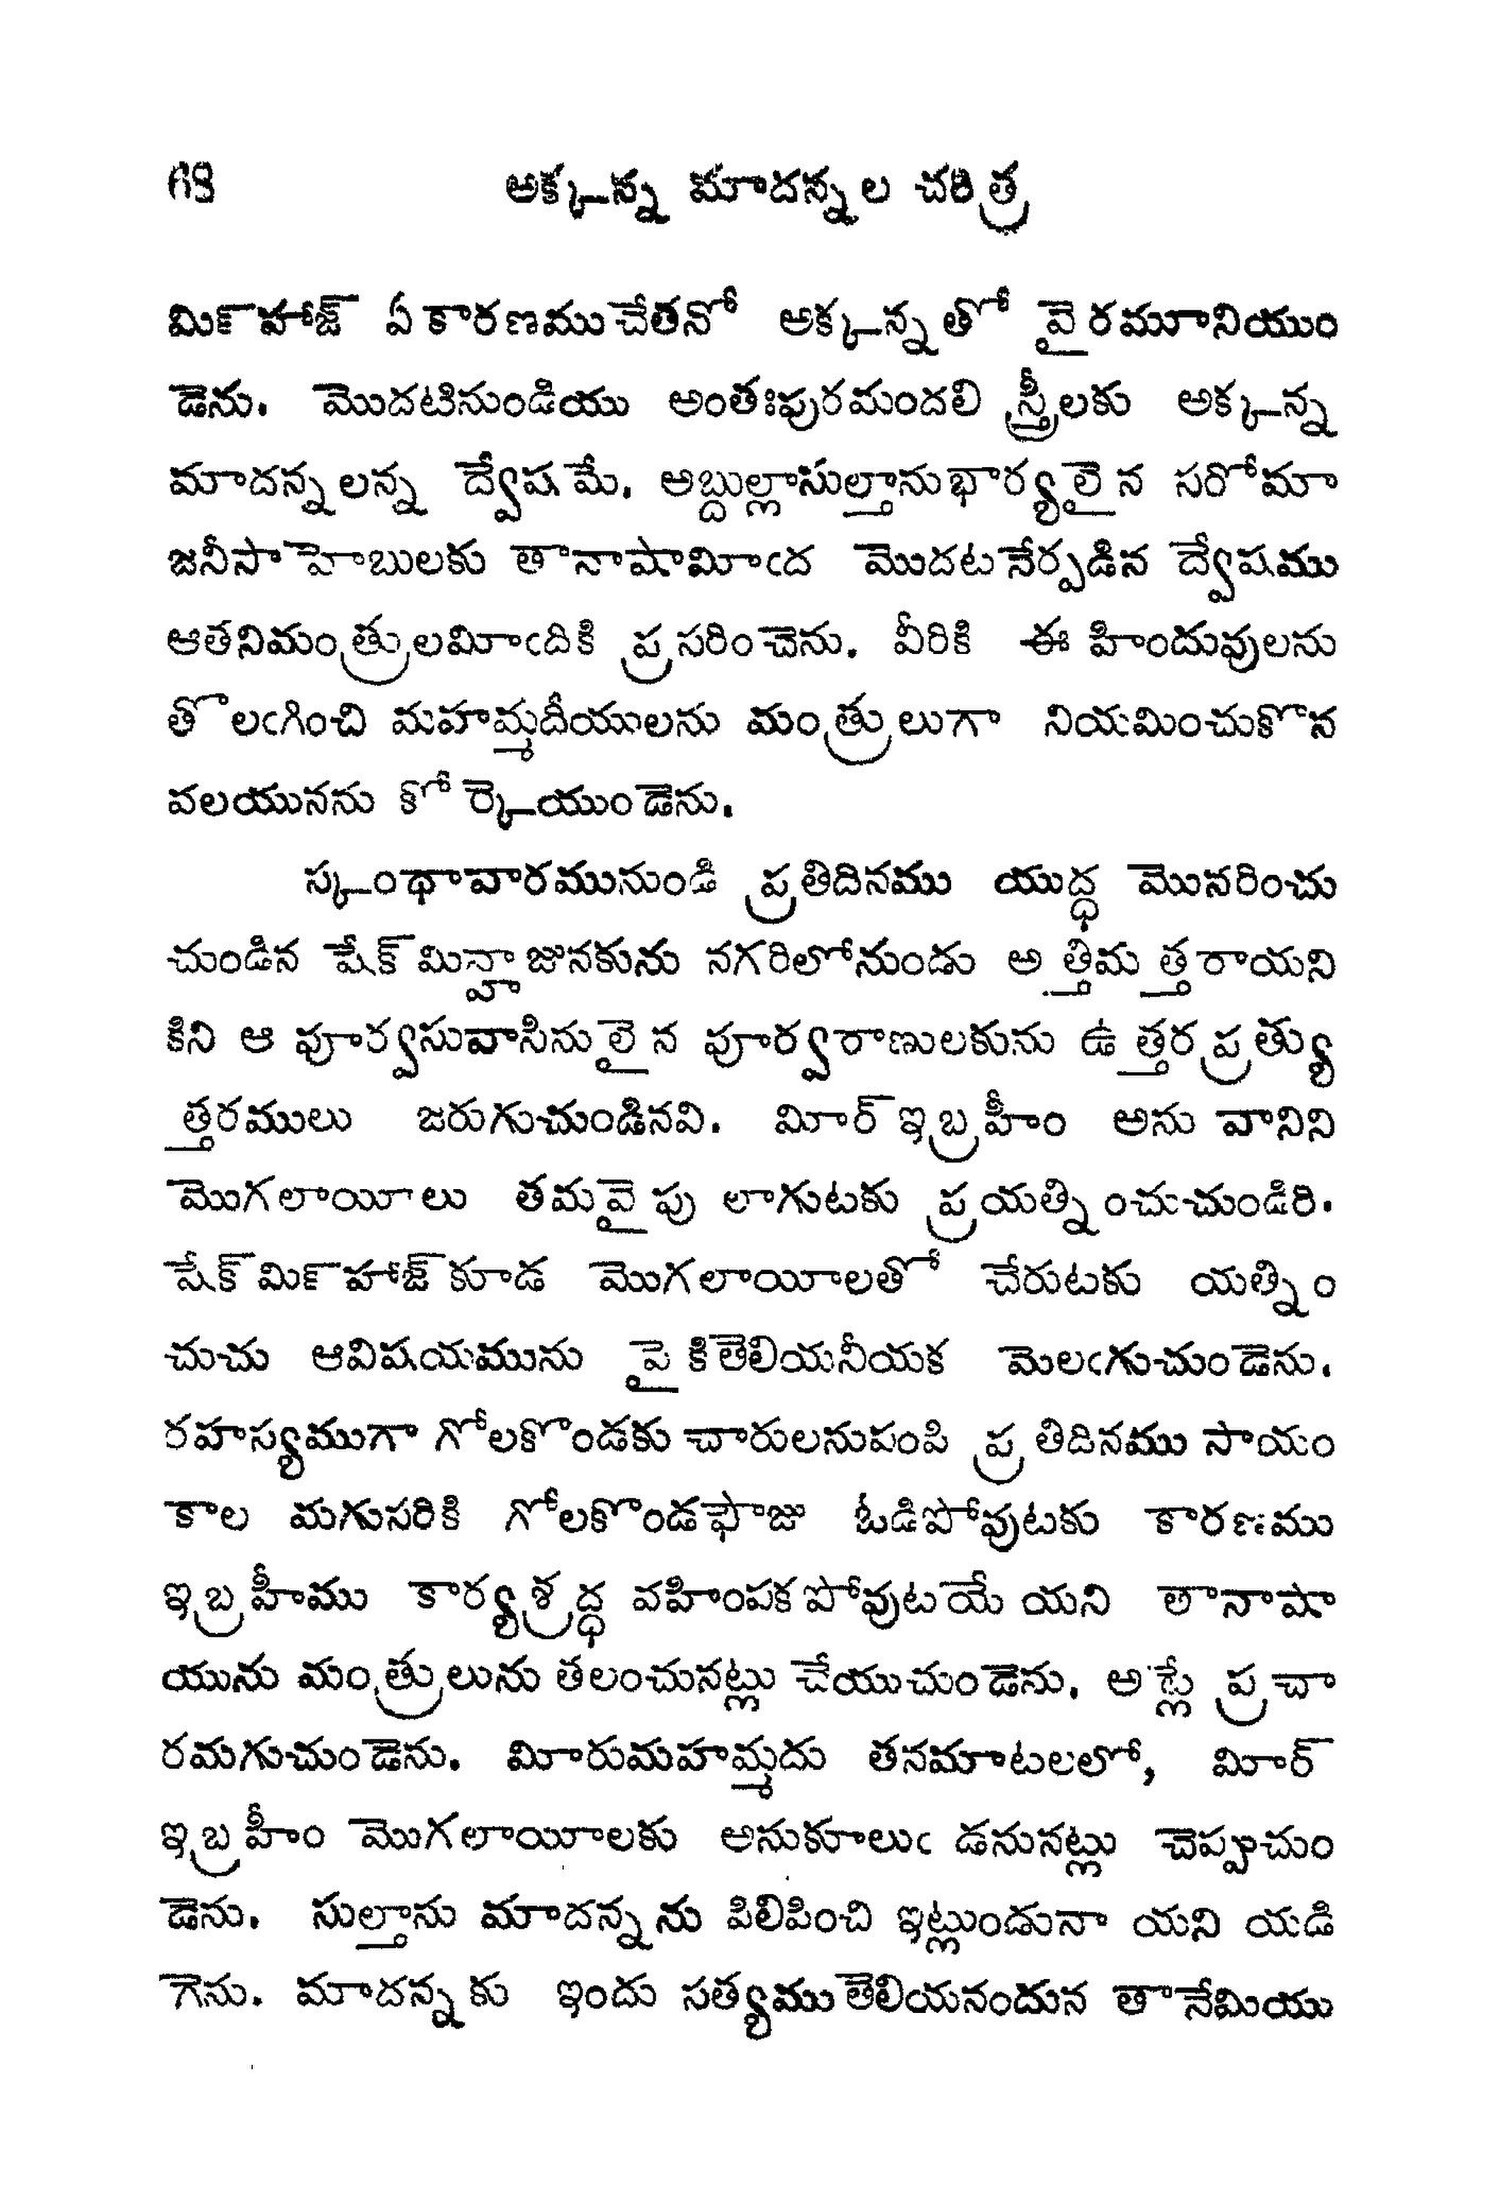మిౝహాజ్ ఏకారణముచేతనో అక్కన్నతో వైరమూనియుండెను. మొదటినుండియు అంతఃపురమందలి స్త్రీలకు అక్కన్న మాదన్నలన్న ద్వేషమే. అబ్దుల్లాసుల్తానుభార్యలైన సరోమా జనీసాహెబులకు తానాషామీఁద మొదటనేర్పడిన ద్వేషము ఆతనిమంత్రులమీఁదికి ప్రసరించెను. వీరికి ఈ హిందువులను తొలఁగించి మహమ్మదీయులను మంత్రులుగా నియమించుకొన వలయునను కోర్కెయుండెను.

స్కంథావారమునుండి ప్రతిదినము యుద్ధ మొనరించు చుండిన షేక్‌మిన్హాజునకును నగరిలోనుండు అత్తిమత్తరాయనికిని ఆ పూర్వసువాసినులైన పూర్వరాణులకును ఉత్తరప్రత్యుత్తరములు జరుగుచుండినవి. మీర్ ఇబ్రహీం అను వానిని మొగలాయీలు తమవైపు లాగుటకు ప్రయత్నించుచుండిరి. షేక్‌మిౝహాజ్‌కూడ మొగలాయీలతో చేరుటకు యత్నించుచు ఆవిషయమును పైకితెలియనీయక మెలఁగుచుండెను. రహస్యముగా గోలకొండకు చారులనుపంపి ప్రతిదినము సాయంకాల మగుసరికి గోలకొండఫౌజు ఓడిపోవుటకు కారణము ఇబ్రహీము కార్యశ్రద్ధ వహింపకపోవుటయే యని తానాషాయును మంత్రులును తలంచునట్లు చేయుచుండెను. అట్లే ప్రచారమగుచుండెను. మీరుమహమ్మదు తనమాటలలో, మీర్‌ఇబ్రహీం మొగలాయీలకు అనుకూలుఁ డనునట్లు చెప్పుచుండెను. సుల్తాను మాదన్నను పిలిపించి ఇట్లుండునా యని యడిగెను. మాదన్నకు ఇందు సత్యముతెలియనందున తానేమియు